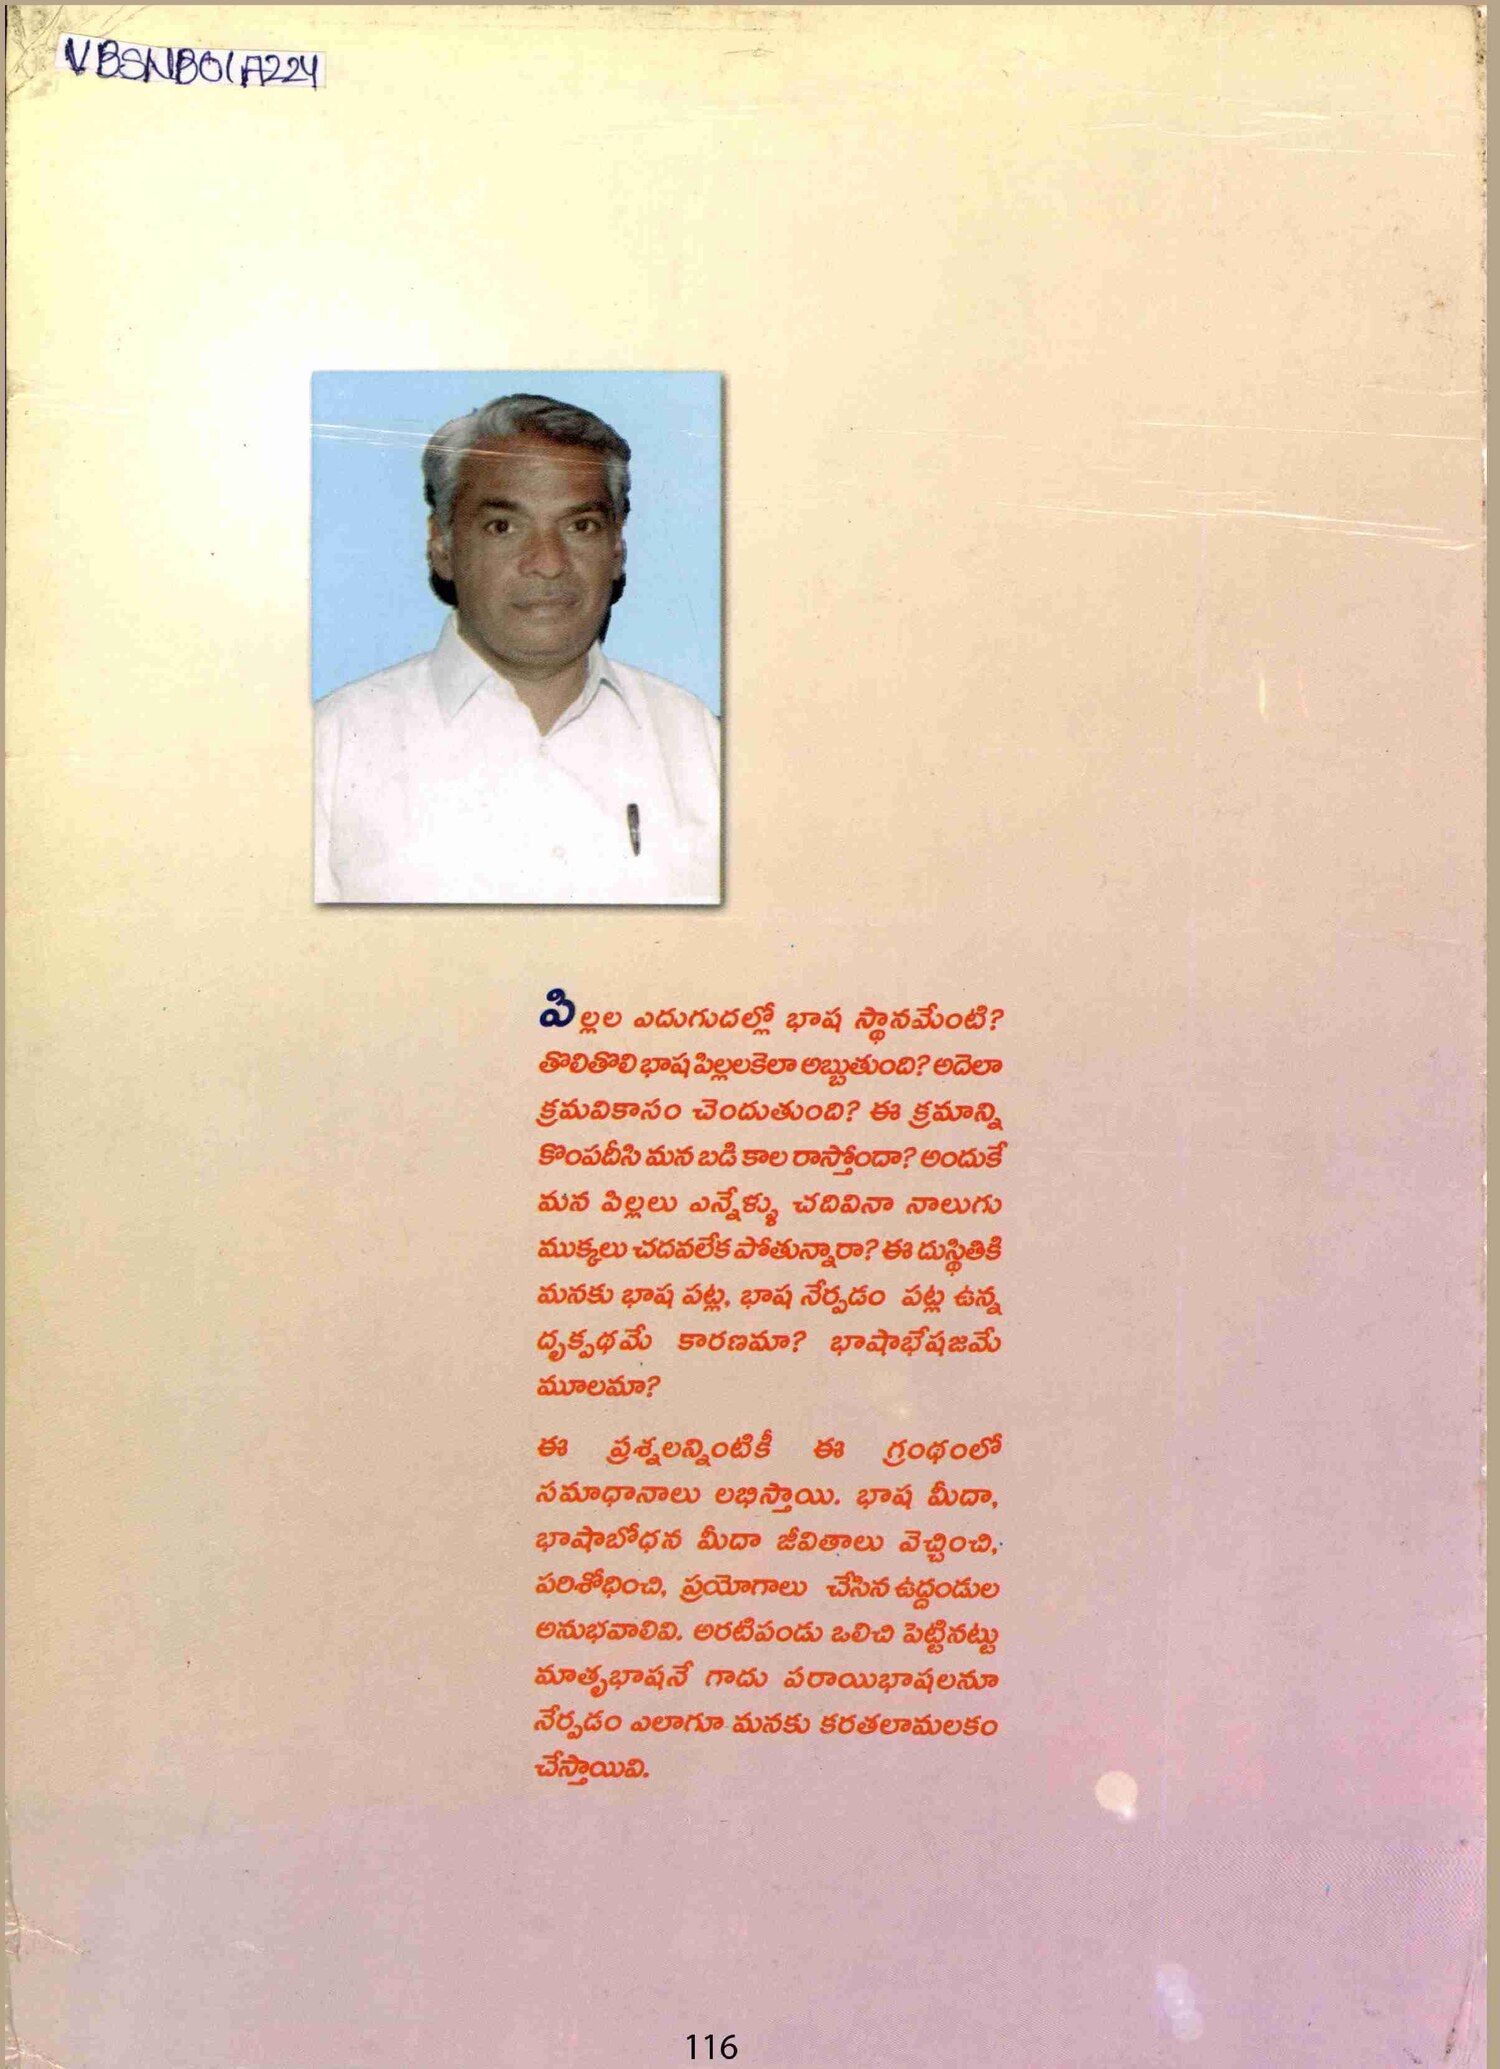పిల్లల ఎదుగుదల్లో భాష స్థానమేంటి? తొలితొలి భాష పిల్లలకెలా అబ్బుతుంది? అదెలా క్రమవికాసం చెందుతుంది? ఈ క్రమాన్ని కొంపదీసి మన బడి కాల రాస్తోందా? అందుకే మన పిల్లలు ఎన్నేళ్ళు చదివినా నాలుగు ముక్కలు చదవలేక పోతున్నారా? ఈ దుస్థితికి మనకు భాష పట్ల, భాష నేర్పడం పట్ల ఉన్న దృక్పథమే కారణమా? భాషాభేషజమే మూలమా?

ఈ ప్రశ్నలన్నింటికీ ఈ గ్రంథంలో సమాధానాలు లభిస్తాయి. భాష మీదా, భాషాబోధన మీదా జీవితాలు వెచ్చించి,
పరిశోధించి, ప్రయోగాలు చేసిన ఉద్దండుల అనుభవాలివి. అరటిపండు ఒలిచి పెట్టినట్టు మాతృభాషనే గాదు పరాయిభాషలనూ నేర్పడం ఎలాగూ మనకు కరతలామలకం చేస్తాయివి.